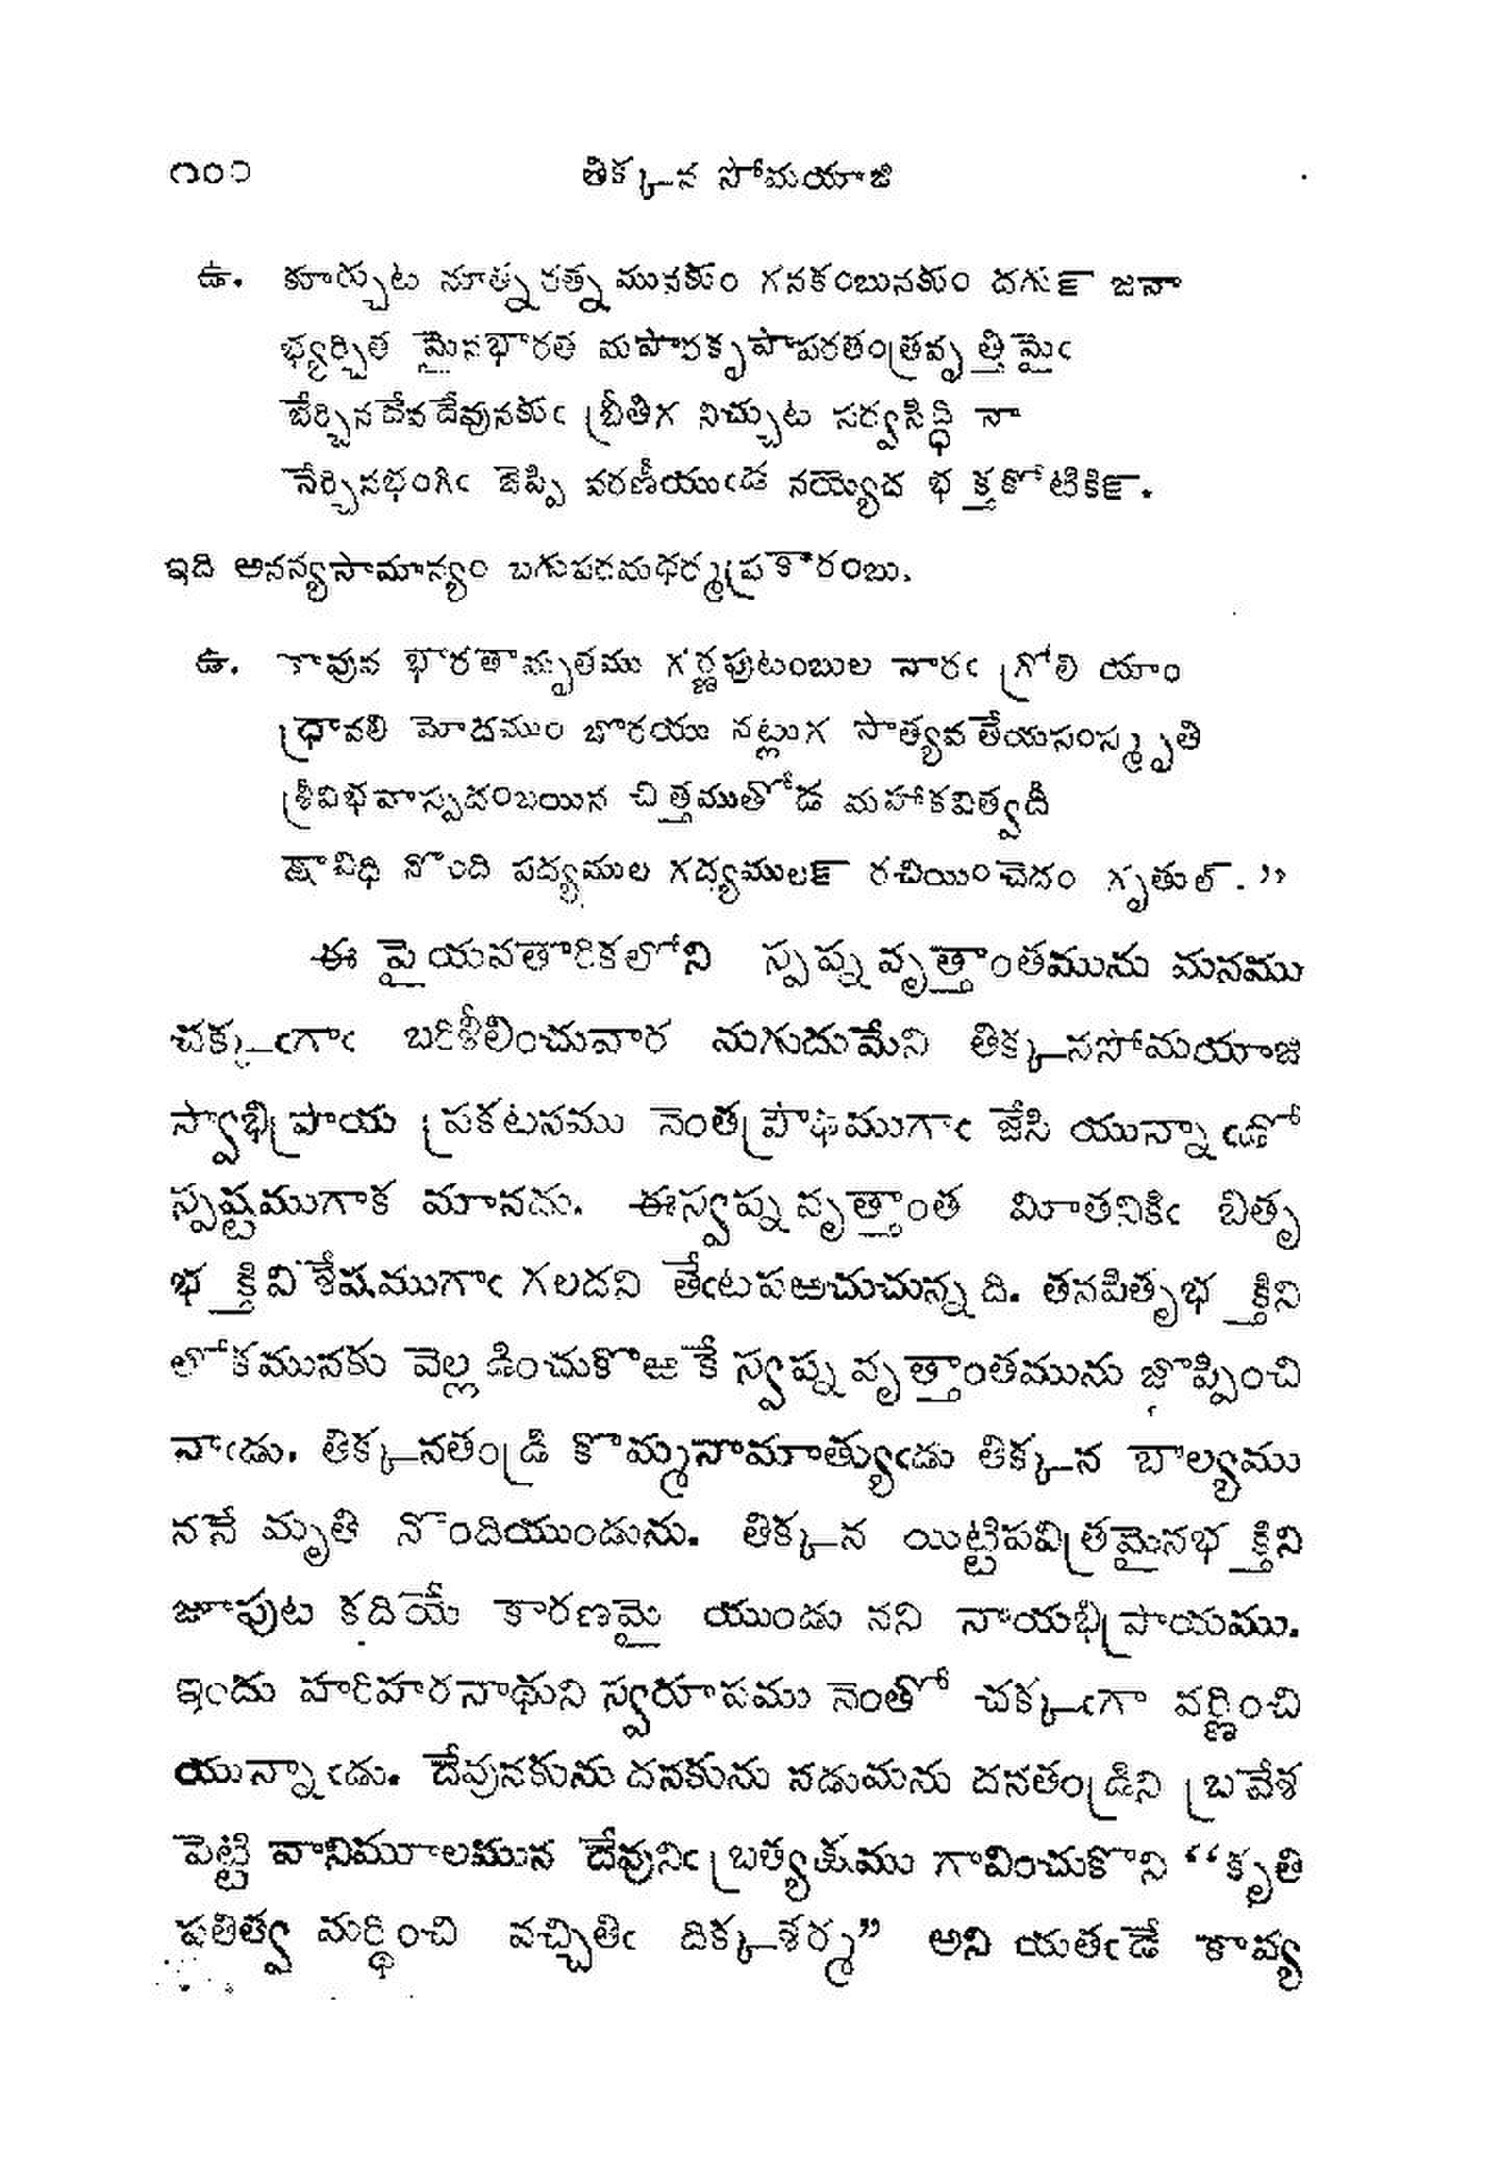ఉ. కూర్చుట నూత్నరత్నమునకుం గనకంబునకుం దగు౯ జనా 
 భ్యర్చిత మైనభారత మపారకృపాపరతంత్రవృత్తిమైఁ 
 బేర్చినదేవదేవునకుఁ బ్రీతిగ నిచ్చుట సర్వసిద్ది నా
 నేర్చినభంగిఁ జెప్పి వరణీయుఁడ నయ్యెద భక్తకోటికి౯. 

ఇది అనన్యసామాన్యం బగుపరమధర్మప్రకారంబు,

ఉ. కావున భారతామృతము గర్ణపుటంబుల నారఁ గ్రోలి యాం
 ధ్రావలి మోదముం బొరయు నట్లుగ సాత్యవతేయసంస్మృతి 
 శ్రీవిభవాస్పదంబయిన చిత్తముతోడ మహాకవిత్వదీ 
 క్షావిధి నొంది పద్యముల గద్యముల౯ రచియించెదం గృతుల్.”
ఈ పైయవతారికలోని స్పప్నవృత్తాంతమును మనము చక్కఁగాఁ బరిశీలించువార మగుదుమేని తిక్కనసోమయాజి స్వాభిప్రాయ ప్రకటనము నెంత ప్రౌఢముగాఁ జేసి యున్నాఁడో స్పష్టముగాక మానదు. ఈస్వప్నవృత్తాంత మీతనికిఁ బితృభక్తివిశేషముగాఁ గలదని తేఁటపఱచుచున్నది. తనపితృభక్తిని లోకమునకు వెల్లడించుకొఱకే స్వప్న వృత్తాంతమును జొప్పించినాఁడు. తిక్కనతండ్రి కొమ్మనామాత్యుఁడు తిక్కన బాల్యముననే మృతి నొందియుండును. తిక్కన యిట్టిపవిత్రమైనభక్తిని జూపుట కదియే కారణమై యుండు నని నాయభిప్రాయము. ఇందు హరిహరనాథుని స్వరూపము నెంతో చక్కఁగా వర్ణించి యున్నాడు. దేవునకును దనకును నడుమను దనతండ్రిని బ్రవేశపెట్టి వానిమూలమున దేవునిఁ బ్రత్యక్షము గావించుకొని “కృతిపతిత్వ మర్థించి వచ్చితిఁ దిక్కశర్మ” అని యతఁడే కావ్య